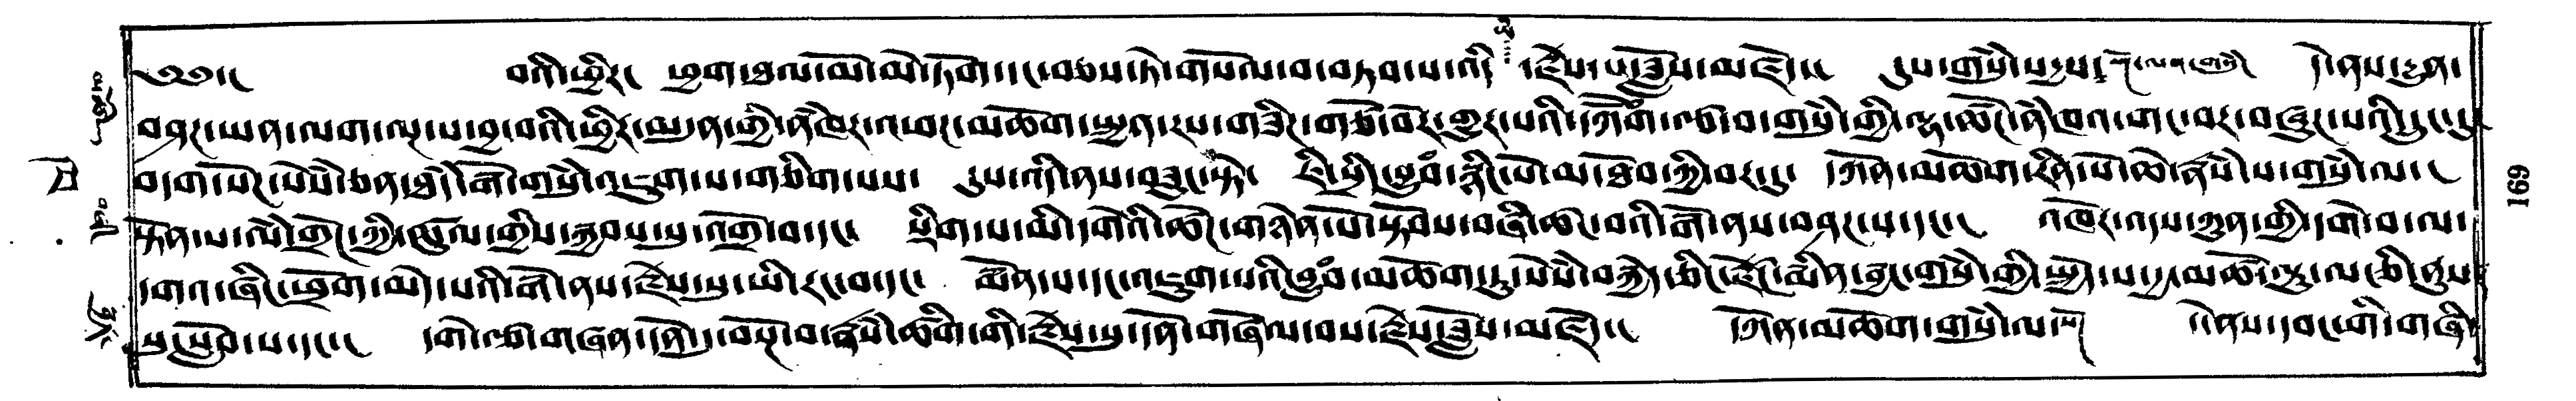བའི་ཕྱིར། ཕྱག་ཐལ་མོ་མེ་ཏོག་དང་བཅས་ཏེ་གསོལ་བ་བཏབ་པ་འདིའྀ་རྗེས་ཟློས་མཛོད། དུས་གསུམ་སངས་རྒྱས་སོགས་ལན་གསུམ། དེ་ནས་རྒྱུན་
བཤགས་ཡན་ལག་ལྔ་པ་བྱ་བའི་ཕྱིར་མདུན་གྱི་ནམ་མཁར་འཕགས་མཆོག་སྤྱན་རས་གཟིགས་གཙོ་བོར་གྱུར་པའི་དཀོན་མཆོག་རྩ་བ་གསུམ་གྱི་ལྷ་ཚོགས་ནམ་མཁའ་གང་བར་བཞུགས་པའི་དྲུང་དུ་
བདག་སོགས་སེམས་ཅན་ཐམས་ཅད་སྒོ་གསུམ་འཇུག་པ་གཅིག་པས། དུས་འདི་ནས་བཟུང་སྟེ། ཇི་སྲིད་བྱང་ཆུབ་སྙིང་པོ་མ་ཐོབ་ཀྱི་བར་དུ། དཀོན་མཆོག་རིན་པོ་ཆེ་རྣམ་པ་གསུམ་ལ། 
སྟོན་པ་ལམ་གྲོགས་ཀྱི་ཚུལ་གྱིས་སྐྱབས་སུ་འགྲོ་བ་དང་། སྡིག་པ་མི་དགེའི་ཚོགས་གཉེན་པོ་སྟོབས་བཞི་ཚང་བའི་སྒོ་ནས་བཤགས་པ་དང་། འཁོར་འདས་ཀུན་ཀྱི་དགེ་བ་ལ་
དགའ་ཞིང་ཕྲ་དོག་མེད་པའི་སྒོ་ནས་རྗེས་སུ་ཡི་རང་བ་དང་། སྨོན་པ་དང་འཇུག་པའི་བྱང་ཆུབ་མཆོག་ཏུ་སེམས་བསྐྱེད་ཅིང་རྫོགས་སྨིན་སྦྱང་གསུམ་གྱི་སྤྱོད་པ་རྒྱ་མཚོ་ལྟ་བུ་ལ་ཅི་ནུས་
སུ་སློབ་པ་དང་། དགེ་རྩ་གཞན་དོན་དུ་བསྔོ་བ་རྣམས་ཚིག་གི་རྗེས་སུ་དོན་གཞོལ་བས་རྗེས་ཟློས་མཛོད། དཀོན་མཆོག་གསུམ་ལ་སོགས། དེ་ནས་དབང་གི་གཞི་